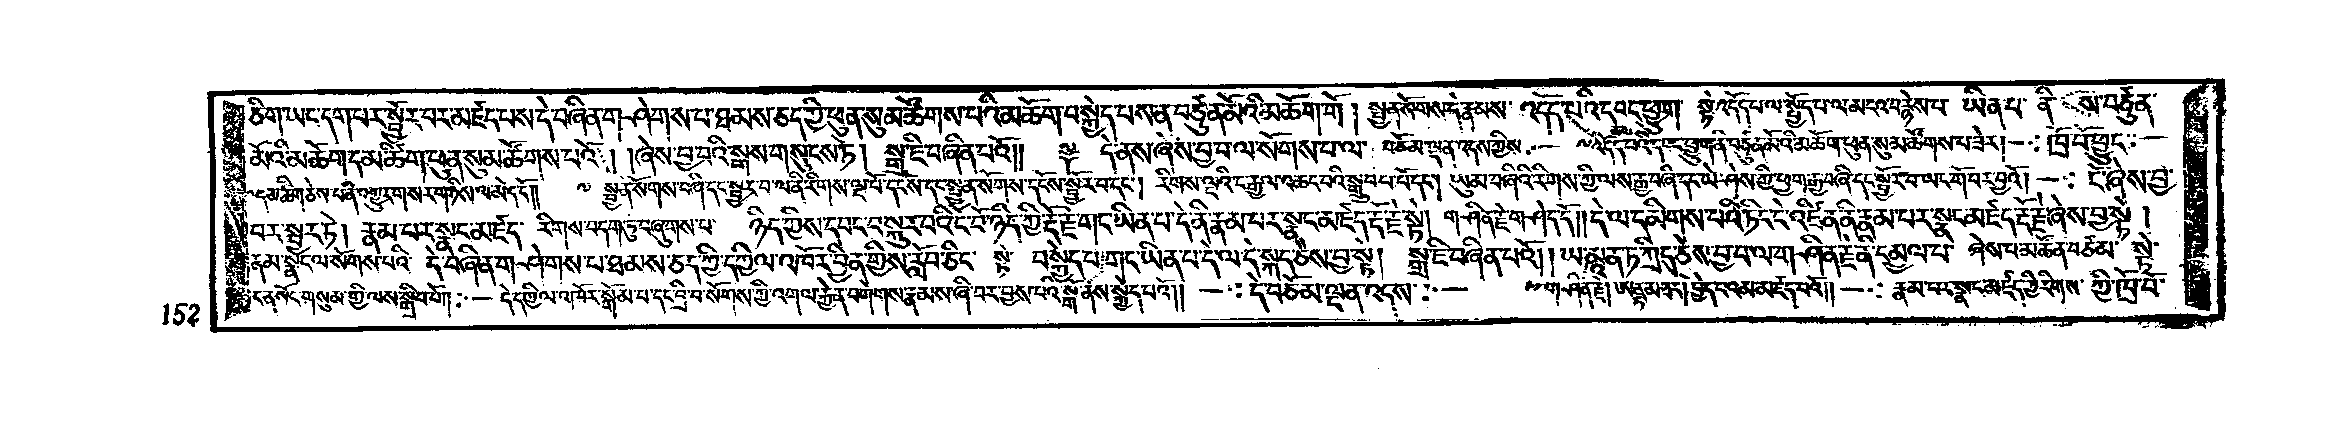ཅིག་ཡང་དག་པར་སྦྱོར་བར་མཛད་པས་དེ་བཞིན་གཤེགས་པ་ཐམས་ཅད་ཀྱི་ཕུན་སུམ་ཚོགས་པའི་མཆོག་བསྐྱེད་པས་ན་བཙུན་མོའི་མཆོག་གོ ། སྤྱན་སོགས་དེ་རྣམས་འདོད་པའི་དབང་ཕྱུག་སྟེ་འདོད་པ་ལ་སྤྱོད་པ་ལ་མངའ་བརྙེས་པ་ཡིན་པ་ནི་ས་བཙུན་
མོའི་མཆོག་དམ་ཚིག་ཕུན་སུམ་ཚོགས་པའོ། །ཞེས་བྱ་བའི་སྒས་གསུངས་ཏེ། སྒྲ་ཇི་བཞིན་པའོ།། ༈ དེ་ནས་ཞེས་བྱ་བ་ལ་སོགས་པ་ལ་བཅོམ་ལྡན་འདས་ཀྱིསཿ་༧འདོད་པའི་དབང་ཕྱུག་ནི་བཙུན་མོའི་མཆོག་ཕུན་སུམ་ཚོགས་པ་ཟེར། .H ཁྲོ་བོ་ཕྱུངཿ
དམ་ཚིག་ཅེས་པ་ནི་འགྱུར་གསར་གཉིས་ལ་མེད་དོ།། ༧སྤྱན་སོགས་བཞི་དང་སྦྱོར་བ་ལ་ནི་རིགས་ལྔ་པོ་དང་དངོས་དང་སྤྱན་སོགས་དངོས་སྦྱོར་བ་དང་། རིགས་ལྔའི་ང་རྒྱལ་འཆང་བའི་སྒྲུབ་པ་པོ་དང་། ཡུམ་བཞིའི་རིགས་ཀྱི་ལས་རྒྱ་བཞི་དང་ཡེ་ཤེས་ཀྱི་ཕྱག་རྒྱ་བཞི་དང་སྐྱོང་བ་ཡང་གོ་བར་བྱའོ།  .H ངོ་ཞེས་བྱ་
བར་སྦྱར་ཏེ། རྣམ་པར་སྣང་མཛད་རིགས་བདག་ཏུ་བཞུགས་པ་ཉིད་ཀྱིས་དབང་བསྐུར་བའི་ངོ་བོ་ཉིད་ཀྱི་རྡོ་རྗེ་གང་ཡིན་པ་དེ་ནི་རྣམ་པར་སྣང་མཛད་རྡོ་རྗེ་སྟེ་གཤིན་རྗེ་གཤེད་དོ། །  དེ་ལ་དམིགས་པའི་ཏིང་ངེ་འཛིན་ནི་རྣམ་པར་སྣང་མཛད་རྡོ་རྗེ་ཞེས་བྱ་སྟེ།
རྣམ་སྣང་ལ་སོགས་པའི་དེ་བཞིན་གཤེགས་པ་ཐམས་ཅད་ཀྱི་དཀྱིལ་འཁོར་བྱིན་གྱིས་རློབ་ཅིང་སྟེ་བསྐྱེད་པ་གང་ཡིན་པ་དེ་ལ་དེ་སྐད་ཅེས་བྱ་སྟེ། སྒྲ་ཇི་བཞིན་པའོ། །ཡ་མཱ་ན་ཏ་ཀྲིད་ཅེས་བྱ་བ་ལ་གཤིན་རྗེ་ནི་དམྱལ་པ་ཞེས་པ་མཚོན་བཙམ་སྟེ་
ངན་སོང་གསུམ་གྱི་ལས་སྒྲིབ་བོ།།H.་དེ་དཀྱིལ་འཁོར་སྒོམ་པ་དང་བྲི་བ་སོགས་ཀྱི་འགལ་རྐྱེན་བགེགས་རྣམས་ཞི་བར་བྱས་པའི་སྒོ་ནས་སྐྱེད་པའོ།།  .H དེ་བཅོམ་ལྡན་འདསཿ་༧གཤིན་རྗེ། ཨནྟ་མཐར། བྱེད་པའམ་མཛད་པའོ།། .Hརྣམ་པར་སྣང་མཛད་ཀྱི་རིགས་ཀྱི་ཁྲོ་བོ་